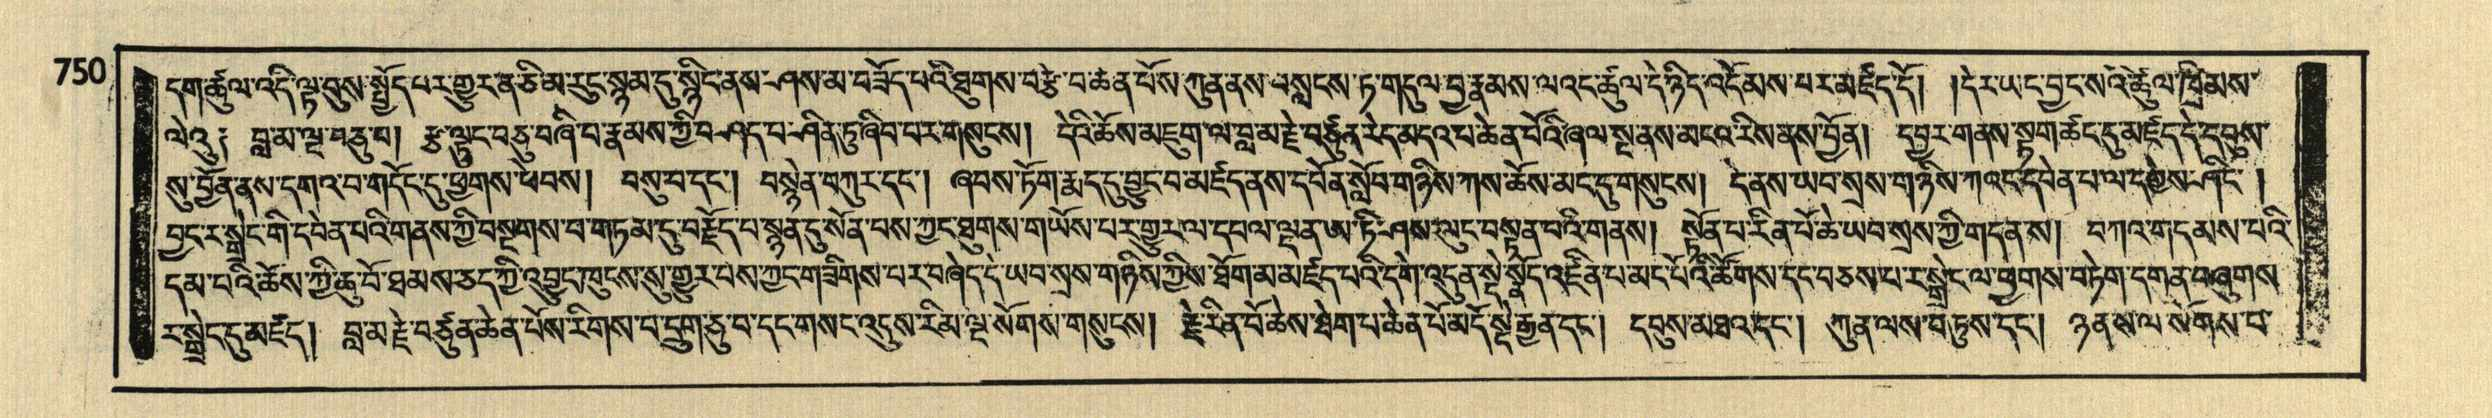དག་ཚུལ་འདི་ལྟ་བུས་སྤྱོད་པར་གྱུར་ན་ཅི་མ་རུང་སྙམ་དུ་སྙིང་ནས་ཤས་མ་བཟོད་པའི་ཐུགས་བརྩེ་བ་ཆེན་པོས་ཀུན་ནས་བསླངས་ཏ་གདུལ་བྱ་རྣམས་ལའང་ཚུལ་དེ་ཉིད་འདོམས་པར་མཛད་དོ། །དེར་ཡང་བྱང་སའི་ཚུལ་ཁྲིམས་
ལེའུ༑ བླ་མ་ལྔ་བཅུ་པ། རྩ་ལྟུང་བཅུ་བཞི་བ་རྣམས་ཀྱི་བཤད་པ་ཤིན་ཏུ་ཞིབ་པར་གསུངས། དེའི་ཆོས་མཇུག་ལ་བླ་མ་རྗེ་བཙུན་རེད་མདའ་པ་ཆེན་པོའི་ཞལ་སྔ་ནས་མངའ་རིས་ནས་བྱོན། དབྱར་གནས་སྟག་ཚང་དུ་མཛད་དེ་དབུས་
སུ་བྱོན་ནས་དགའ་བ་གདོང་དུ་ཕྱགས་ཕེབས། བསུ་བ་དང་། བསྙེན་བཀུར་དང་། ཞབས་ཏོག་རྨད་དུ་བྱུང་བ་མཛད་ནས་དཔོན་སློབ་གཉིས་ཀས་ཆོས་མང་དུ་གསུངས། དེ་ནས་ཡབ་སྲས་གཉིས་ཀའང་དབེན་པ་ལ་དགྱེས་ཤིང་།
བྱང་ར་སྒྲེང་གི་དབེན་པའི་གནས་ཀྱི་བསྔགས་བ་གཏམ་དུ་བརྗོད་པ་སྙན་དུ་སོན་པས་ཀྱང་ཐུགས་གཡོས་པར་གྱུར་ལ་དཔལ་ལྡན་ཨ་ཏི་ཤས་ལུང་བསྟན་པའི་གནས། སྟོན་པ་རིན་པོ་ཆེ་ཡབ་སྲས་ཀྱི་གདན་ས། བཀའ་གདམས་པའི་
དམ་པའི་ཆོས་ཀྱི་ཆུ་བོ་ཐམས་ཅད་ཀྱི་འབྱུང་ཁུངས་སུ་གྱུར་པས་ཀྱང་གཟིགས་པར་བཞེད་དེ་ཡབ་སྲས་གཉིས་ཀྱིས་ཐོག་མ་མཛད་པའི་དགེ་འདུན་སྡེ་སྣོད་འཛིན་པ་མང་པོའི་ཚོགས་དང་བཅས་པར་སྒྲེང་ལ་ཕྱགས་བཏེག་གདན་བཞུགས་
ར་སྒྲེང་དུ་མཛད། བླ་མ་རྗེ་བཙུན་ཆེན་པོས་རིགས་པ་དྲུག་ཅུ་བ་དང་གསང་འདུས་རིམ་ལྔ་སོགས་གསུངས། རྗེ་རིན་པོ་ཆེས་ཐེག་པ་ཆེན་པོ་མདོ་སྡེ་རྒྱན་དང་། དབུས་མཐའ་དང་། ཀུན་ལས་བཏུས་དང་། ཉན་ས་ལ་སོགས་པ་